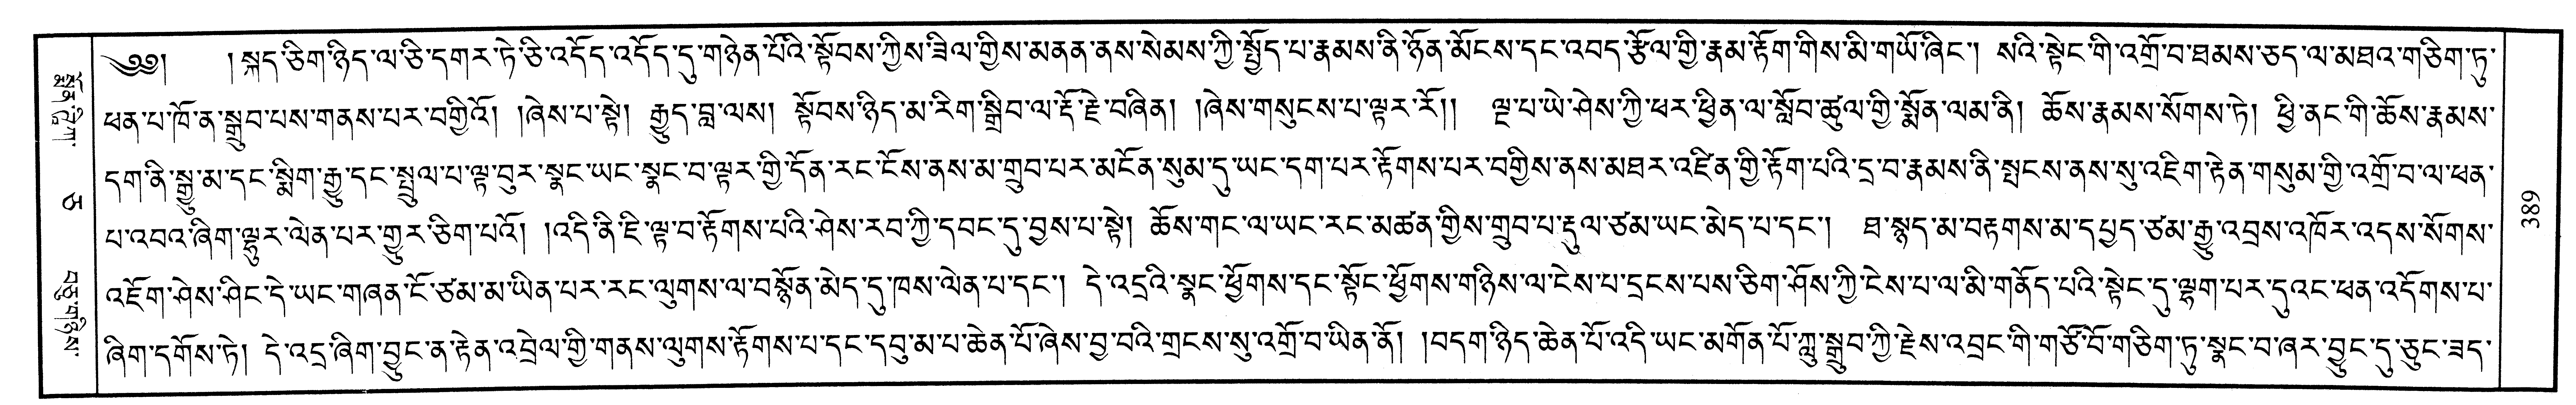༄༅། །སྐད་ཅིག་ཉིད་ལ་ཅི་དགར་ཏེ་ཅི་འདོད་འདོད་དུ་གཉེན་པོའི་སྟོབས་ཀྱིས་ཟིལ་གྱིས་མནན་ནས་སེམས་ཀྱི་སྤྱོད་པ་རྣམས་ནི་ཉོན་མོངས་དང་འབད་རྩོལ་གྱི་རྣམ་རྟོག་གིས་མི་གཡོ་ཞིང་། སའི་སྟེང་གི་འགྲོ་བ་ཐམས་ཅད་ལ་མཐའ་གཅིག་ཏུ་
ཕན་པ་ཁོ་ན་སྒྲུབ་པས་གནས་པར་བགྱིའོ། །ཞེས་པ་སེ། རྒྱུད་བླ་ལས། སྟོབས་ཉིད་མ་རིག་སྒྲིབ་ལ་རྡོ་རྗེ་བཞིན། །ཞེས་གསུངས་པ་ལྟར་རོ།། ལྔ་པ་ཡེ་ཤེས་ཀྱི་ཕར་ཕྱིན་ལ་སློབ་ཚུལ་གྱི་སྨོན་ལམ་ནི། ཆོས་རྣམས་སོགས་ཏེ། ཕྱི་ནང་གི་ཆོས་རྣམས་
དག་ནི་སྒྱུ་མ་དང་སྨིག་རྒྱུ་དང་སྤྲུལ་པ་ལྟ་བུར་སྣང་ཡང་སྣང་བ་ལྟར་གྱི་དོན་རང་ངོས་ནས་མ་གྲུབ་པར་མངོན་སུམ་དུ་ཡང་དག་པར་རྟོགས་པར་བགྱིས་ནས་མཐར་འཛིན་གྱི་རྟོག་པའི་དྲ་བ་རྣམས་ནི་སྤངས་ནས་སུ་འཇིག་རྟེན་གསུམ་གྱི་འགྲོ་བ་ལ་ཕན་
པ་འབའ་ཞིག་ལྷུར་ལེན་པར་གྱུར་ཅིག་པའོ། །འདི་ནི་ཇི་ལྟ་བ་རྟོགས་པའི་ཤེས་རབ་ཀྱི་དབང་དུ་བྱས་པ་སྟེ། ཆོས་གང་ལ་ཡང་རང་མཚན་གྱིས་གྲུབ་པ་རྡུལ་ཙམ་ཡང་མེད་པ་དང་། ཐ་སྙད་མ་བརྟགས་མ་དཔྱད་ཙམ་རྒྱུ་འབྲས་འཁོར་འདས་སོགས་
འཇོག་ཤེས་ཤིང་དེ་ཡང་གཞན་ངོ་ཙམ་མ་ཡིན་པར་རང་ལུགས་ལ་བསྙོན་མེད་དུ་ཁས་ལེན་པ་དང་། དེ་འདྲའི་སྣང་ཕྱོགས་དང་སྟོང་ཕྱོགས་གཉིས་ལ་ངེས་པ་དྲངས་པས་ཅིག་ཤོས་ཀྱི་ངེས་པ་ལ་མི་གནོད་པའི་སྟེང་དུ་ལྷག་པར་དུའང་ཕན་འདོགས་པ་
ཞིག་དགོས་ཏེ། དེ་འདྲ་ཞིག་བྱུང་ན་རྟེན་འབྲེལ་གྱི་གནས་ལུགས་རྟོགས་པ་དང་དབུ་མ་པ་ཆེན་པོ་ཞེས་བྱ་བའི་གྲངས་སུ་འགྲོ་བ་ཡིན་ནོ། །བདག་ཉིད་ཆེན་པོ་འདི་ཡང་མགོན་པོ་ཀླུ་སྒྲུབ་ཀྱི་རྗེས་འབྲང་གི་གཙོ་བོ་གཅིག་ཏུ་སྣང་བ་ཞར་བྱུང་དུ་ཅུང་ཟད་